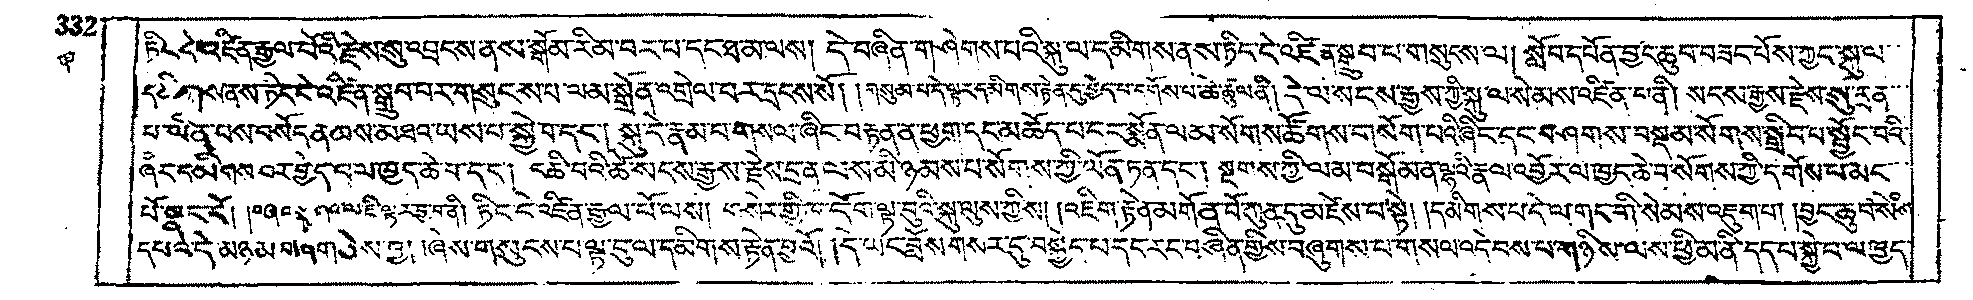ཏིང་ངེ་འཛིན་རྒྱལ་པོའི་རྗེས་སུ་འབྲངས་ནས་སྒོམ་རིམ་བར་པ་དང་ཐ་མ་ལས། དེ་བཞིན་གཤེགས་པའི་སྐུ་ལ་དམིགས་ནས་ཏིང་ངེ་འཛིན་སྒྲུབ་པ་གསུངས་ལ། སློབ་དཔོན་བྱང་ཆུབ་བཟང་པོས་ཀྱང་སྐུ་ལ་
དམིགས་ནས་ཏིང་ངེ་འཛིན་སྒྲུབ་པར་གསུངས་པ་ལམ་སྒྲོན་འགྲེལ་བར་དྲངས་སོ། །གསུམ་པ་དེ་ལྟར་དམིགས་རྟེན་དུ་བྱེད་པ་དགོས་པ་ཆེ་ཚུལ་ནི།  དེ་ལ་སངས་རྒྱས་ཀྱི་སྐུ་ལ་སེམས་འཛིན་པ་ནི། སངས་རྒྱས་རྗེས་སུ་དྲན་
པ་ལིན་པས་བསོད་ནམས་མཐའ་ཡས་པ་སྐྱེ་བ་དང་། སྐུ་དེ་རྣམ་པ་གསལ་ཞིང་བརྟན་ན་ཕྱག་དང་མཆོད་པ་དང་སྨོན་ལམ་སོགས་ཚོགས་གསོག་པའི་ཞིང་དང་བཤགས་བསྡམ་སོགས་སྒྲིབ་པ་སྦྱོང་བའི་
ཞིང་དམིགས་བར་བྱེད་པ་ལ་ཁྱད་ཆེ་བ་དང་། ང་འཆི་བའི་ཚེ་སངས་རྒྱས་རྗེས་དྲན་ལས་མི་ཉམས་པ་སོགས་ཀྱི་ཡོན་ཏན་དང་། སྔགས་ཀྱི་ལམ་བསྒོམ་ན་ལྷའི་རྣལ་འབྱོར་ལ་ཁྱད་ཆེ་བ་སོགས་ཀྱི་དགོས་པ་མང་
པོ་སྣང་ནོ། ། བཞབ་སྔསག་?་ལ་ཇི་ལྟར་བྱ་བ་ནི། ཏིང་ངེ་འཛིན་རྒྱལ་པོ་ལས། གསེར་གྱི་ཁ་དོག་ལྟ་བུའི་སྐུ་ལུས་ཀྱིས། །འཇིག་རྟེན་མགོན་པོ་ཀུན་དུ་མཛེས་པ་སྟེ། །དམིགས་པ་དེ་ལ་གང་གི་སེམས་འཇུག་པ། །བྱང་ཆུབ་སེཾས་
དཔའ་དེ་མཉམ་བཞག་ཅེས་བྱ། །ཞེས་གསུངས་པ་ལྟ་བུ་ལ་དམིགས་རྟེན་བྱའོ། །དེ་ཡང་བློས་གསར་དུ་བསྐྱེད་པ་དང་རང་བཞིན་གྱིས་བཞུགས་པ་གསལ་འདེབས་པ་གཉིས་ལས་ཕྱི་མ་ནི་དད་པ་སྐྱེ་བ་ལ་ཁྱད་